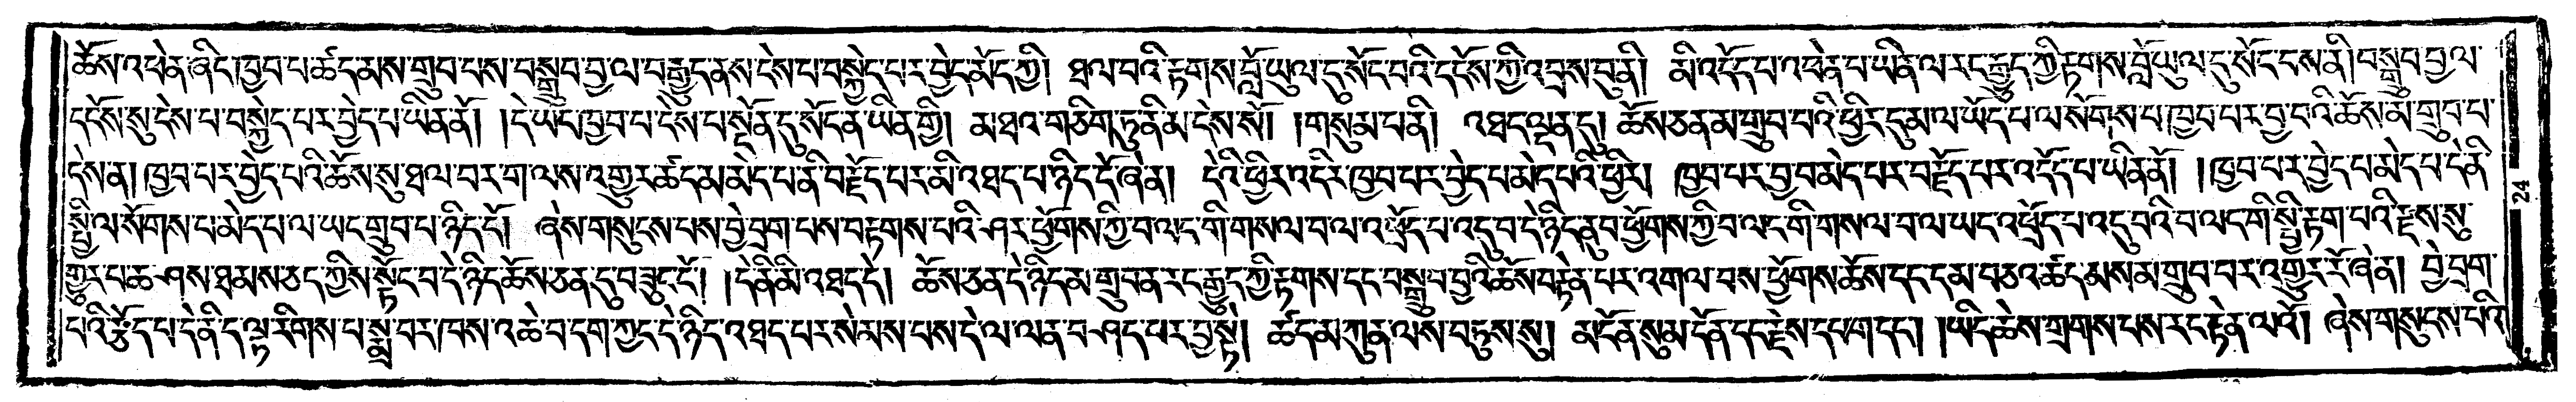ཆོས་འཕེན་ཞིང་ཁྱབ་པ་ཚད་མས་གྲུབ་པས་བསྒྲུབ་བྱ་ལ་བརྒྱུད་ནས་ངེས་པ་བསྐྱེད་པར་བྱེད་མོད་ཀྱི། ཐལ་བའི་རྟགས་བློ་ཡུལ་དུ་སོང་བའི་དངོས་ཀྱི་འབྲས་བུ་ནི། མི་འདོད་པ་འཕེན་པ་ཡིན་ལ་རང་རྒྱུད་ཀྱི་རྟགས་བློ་ཡུལ་དུ་སོང་བས་ནི། བསྒྲུབ་བྱ་ལ་
དངོས་སུ་ངེས་པ་བསྐྱེད་པར་བྱེད་པ་ཡིན་ནོ། །དེ་ཡང་ཁྱབ་པ་ངེས་པ་སྔོན་དུ་སོང་ན་ཡིན་གྱི། མཐའ་གཅིག་ཏུ་ནི་མ་ངེས་སོ། །གསུམ་པ་ནི། འཐད་ལྡན་དུ། ཆོས་ཅན་མ་གྲུབ་པའི་ཕྱིར་དུ་མ་ལ་ཡོད་པ་ལ་སོགས་པ་ཁྱབ་པར་བྱ་བའི་ཆོས་མ་གྲུབ་པ་
དེས་ན། ཁྱབ་པར་བྱེད་པའི་ཆོས་སུ་ཐལ་བར་ག་ལས་འགྱུར་ཚད་མ་མེད་པ་ནི་བརྗོད་པར་མི་འཐད་པ་ཉིད་དོ་ཞེ་ན། དེའི་ཕྱིར་འདིར་ཁྱབ་པར་བྱེད་པ་མེད་པའི་ཕྱིར། ཁྱབ་པར་བྱ་བ་མེད་པར་བརྗོད་པར་འདོད་པ་ཡིན་ནོ། །ཁྱབ་པར་བྱེད་པ་མེད་པ་དེ་ནི་
སྤྱི་ལ་སོགས་པ་མེད་པ་ལ་ཡང་གྲུབ་པ་ཉིད་དོ། ཞེས་གསུངས་པས་བྱེ་བྲག་པས་བརྟགས་པའི་ཤར་ཕྱོགས་ཀྱི་བ་ལང་གི་གསལ་བ་ལ་འཕྲོད་པ་འདུ་བ་དེ་ཉིད་ནུབ་ཕྱོགས་ཀྱི་བ་ལང་གི་གསལ་བ་ལ་ཡང་འཕྲོད་པ་འདུ་བའི་བ་ལང་གི་སྤྱི་རྟག་པའི་རྫས་སུ་
གྱུར་པ་ཆ་ཤས་ཐམས་ཅད་ཀྱིས་སྟོང་བ་དེ་ཉིད་ཆོས་ཅན་དུ་བཟུང་ངོ། །དེ་ནི་མི་འཐད་དེ། ཆོས་ཅན་དེ་ཉིད་མ་གྲུབ་ན་རང་རྒྱུད་ཀྱི་རྟགས་དང་བསྒྲུབ་བྱའི་ཆོས་བརྟེན་པར་འགལ་བས་ཕྱོགས་ཆོས་དང་དམ་བཅའ་ཚད་མས་མ་གྲུབ་པར་འགྱུར་རོ་ཞེ་ན། བྱེ་བྲག་
པའི་རྩོད་པ་དེ་ནི་ད་ལྟ་རིགས་པ་སྨྲ་བར་ཁས་འཆེ་བ་དག་ཀྱང་དེ་ཉིད་འཐད་པར་སེམས་པས་དེ་ལ་ལན་བཤད་པར་བྱ་སྟེ། ཚད་མ་ཀུན་ལས་བཏུས་སུ། མངོན་སུམ་དོན་དང་རྗེས་དཔག་དང་། །ཡིད་ཆེས་གྲགས་པས་རང་རྟེན་ལའོ། ཞེས་གསུངས་པའི་